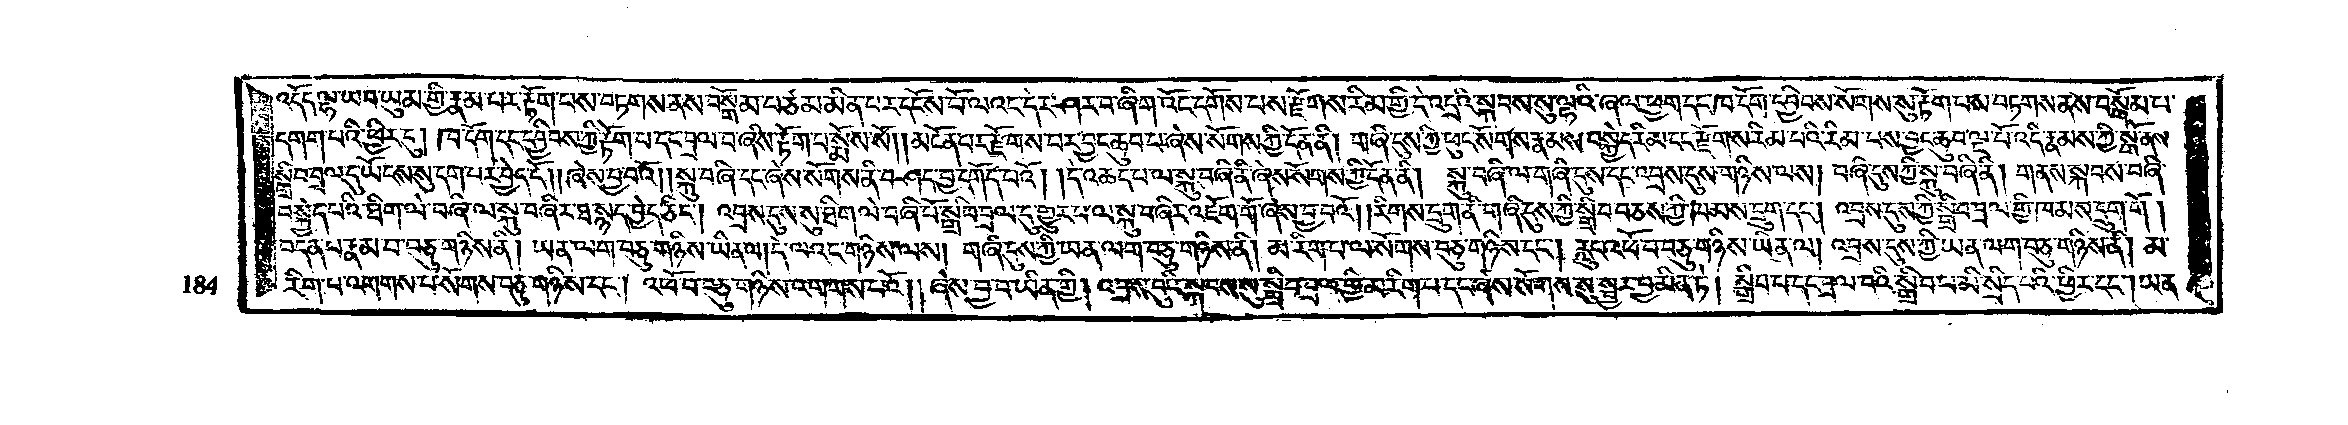འདོད་ལྷ་ཡབ་ཡུམ་གྱི་རྣམ་པར་རྟོག་པས་བཏགས་ནས་བསྒོམ་པ་ཙམ་མིན་པར་དངོས་པོ་ལའང་དེར་ཤར་བ་ཞིག་འོང་དགོས་པས་རྫོགས་རིམ་གྱི་དེ་འདྲའི་སྐབས་སུ་ལྷའི་ཞལ་ཕྱག་དང་ཁ་དོག་དབྱིབས་སོགས་སུ་རྟོག་པས་བཏགས་ནས་བསྒོམ་པ་
དགག་པའི་ཕྱིར་དུ། ཁ་དོག་དང་དབྱིབས་ཀྱི་རྟོག་པ་དང་བྲལ་བ་ཞེས་རྟོག་པ་སྨོས་སོ། །མངོན་པར་རྫོགས་པར་བྱང་ཆུབ་པ་ཞེས་སོགས་ཀྱི་དོན་ནི། གཞི་དུས་ཀྱི་ཕུང་སོགས་རྣམས་བསྐྱེད་རིམ་དང་རྫོགས་རིམ་པའི་རིམ་པས་བྱང་ཆུབ་ལྔ་པོ་འདི་རྣམས་ཀྱི་སྒོ་ནས་
སྒྲིབ་བྲལ་དུ་ཡོངས་སུ་དག་པར་བྱེད་དོ། །ཞེས་བྱ་བའོ། །སྐུ་བཞི་དང་ཞེས་སོགས་ནི་བཤད་བྱ་དགོད་པའོ། །དེ་འཆད་པ་ལ་སྐུ་བཞི་ནི་ཞེས་སོགས་ཀྱི་དོན་ནི། སྐུ་བཞི་ལ་གཞི་དུས་དང་འབྲས་དུས་གཉིས་ལས། བཞི་དུས་ཀྱི་སྐུ་བཞི་ནི། གནས་སྐབས་བཞི་
བསྐྱེད་པའི་ཐིག་ལེ་བཞི་ལ་སྐུ་བཞིར་ཐ་སྙད་བྱེད་ཅིང་། འབྲས་དུས་སུ་ཐིག་ལེ་བཞི་པོ་སྒྲིབ་བྲལ་དུ་གྱུར་པ་ལ་སྐུ་བཞིར་འཇོག་གོ་ཞེས་བྱ་བའོ། །རིགས་དྲུག་ནི་གཞི་དུས་ཀྱི་སྒྲིབ་བཅས་ཀྱི་ཁམས་དྲུག་དང་། འབྲས་དུས་ཀྱི་སྒྲིབ་བྲལ་གྱི་ཁམས་དྲུག་གོ །
བདན་པ་རྣམ་པ་བཅུ་གཉིས་ནི། ཡན་ལག་བཅུ་གཉིས་ཡིན་ལ། དེ་ལའང་གཉིས་ལས། གཞི་དུས་ཀྱི་ཡན་ལག་བཅུ་གཉིས་ནི། མ་རིག་པ་ལ་སོགས་བཅུ་གཉིས་དང་། རླུང་འཕོ་བ་བཅུ་གཉིས་ཡིན་ལ། འབྲས་དུས་ཀྱི་ཡན་ལག་བཅུ་གཉིས་ནི། མ་
རིག་པ་འགགས་པ་སོགས་བཅུ་གཉིས་དང་། འཕོ་བ་བཅུ་གཉིས་འགགས་པའོ། །ཞེས་བྱ་བ་ཡིན་གྱི། འབྲས་བུའི་སྐབས་སུ་སྒྲིབ་བྲལ་གྱི་མ་རིག་པ་དང་ཞེས་སོགས་སུ་སྦྱར་བྱ་མིན་ཏེ། སྒྲིབ་པ་དང་བྲལ་བའི་སྒྲིབ་པ་མི་སྲིད་པའི་ཕྱིར་དང་། ཡན་